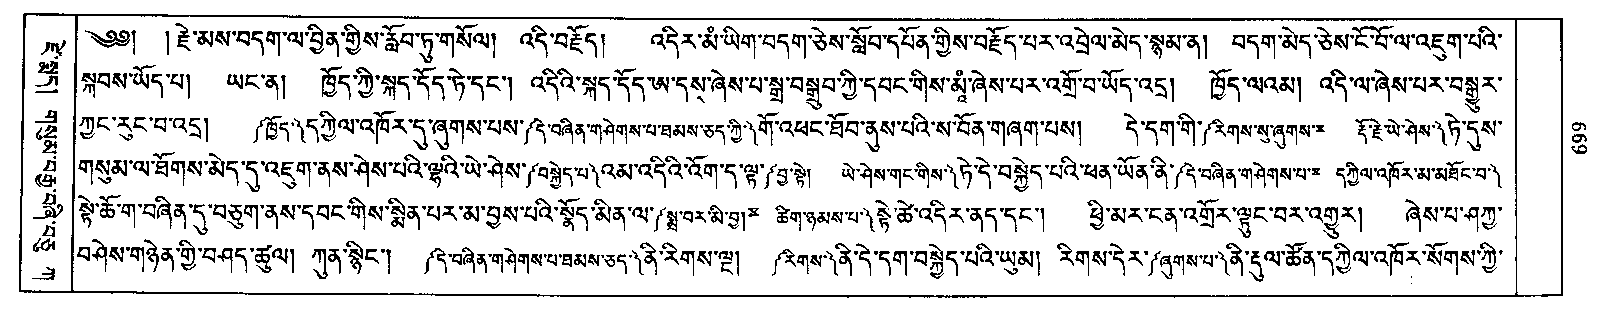༄༅། །རྗེ་མས་བདག་ལ་བྱིན་གྱིས་རློབ་ཏུ་གསོལ། འདི་བརྗོད། འདིར་མཾ་ཡིག་བདག་ཅེས་སློབ་དཔོན་གྱིས་བརྗོད་པར་འབྲེལ་མེད་སྙམ་ན། བདག་མེད་ཅེས་ངོ་བོ་ལ་འཇུག་པའི་
སྐབས་ཡོད་པ། ཡང་ན། ཁྱོད་ཀྱི་སྐད་དོད་ཏེ་དང་། འདིའི་སྐད་དོད་ཨ་དས་ཞེས་པ་སྒྲ་བསྒྲུབ་ཀྱི་དབང་གིས་མཱཾ་ཞེས་པར་འགྲོ་བ་ཡོད་འདྲ། ཁྱོད་ལའམ། འདི་ལ་ཞེས་པར་བསྒྱུར་
ཀྱང་རུང་བ་འདྲ། ༼ཁྱོད྄་དཀྱིལ་འཁོར་དུ་ཞུགས་པས་༽དེ་བཞིན་གཤེགས་པ་ཐམས་ཅད་ཀྱ྄ི་གོ་འཕང་ཐོབ་ནུས་པའི་ས་བོན་གཞག་པས། དེ་དག་གི་རིགས་སུ་ཞུགས་྾་རྡོ་རྗེ་ཡེ་ཤེས྄་ཏེ་དུས་
གསུམ་ལ་ཐོགས་མེད་དུ་འཇུག་ནས་ཤེས་པའི་ལྷའི་ཡེ་ཤེས ༼བསྐྱེད་པ྄་འམ་འདིའི་འོག་ད་ལྟ་༽བྱ་སྟེ། ཡེ་ཤེས་གང་གིས྄་ཏེ་དེ་བསྐྱེད་པའི་ཕན་ཡོན་ནི་དེ་བཞིན་གཤེགས་པ་྾་དཀྱིལ་འཁོར་མ་མཐོང་བ྄
སྟེ་ཆོ་ག་བཞིན་དུ་བཅུག་ནས་དབང་གིས་སྨིན་པར་མ་བྱས་པའི་སྣོད་མིན་ལ་སྨྲ་བར་མི་བྱ། ྾་ཚིག་ཉམས་པ྄་སྟེ་ཚེ་འདིར་ནད་དང་། ཕྱི་མར་ངན་འགྲོར་ལྟུང་བར་འགྱུར། ཞེས་པ་ཤཱཀྱ་
བཤེས་གཉེན་གྱི་བཤད་ཚུལ། ཀུན་སྙིང་། ༼དེ་བཞིན་གཤེགས་པ་ཐམས་ཅད྄་ནི་རིགས་ལྔ། ༽རིགས྄་ནི་དེ་དག་བསྐྱེད་པའི་ཡུམ། རིགས་དེར་ཞུགས་པ྄་ནི་རྡུལ་ཚོན་དཀྱིལ་འཁོར་སོགས་ཀྱི་